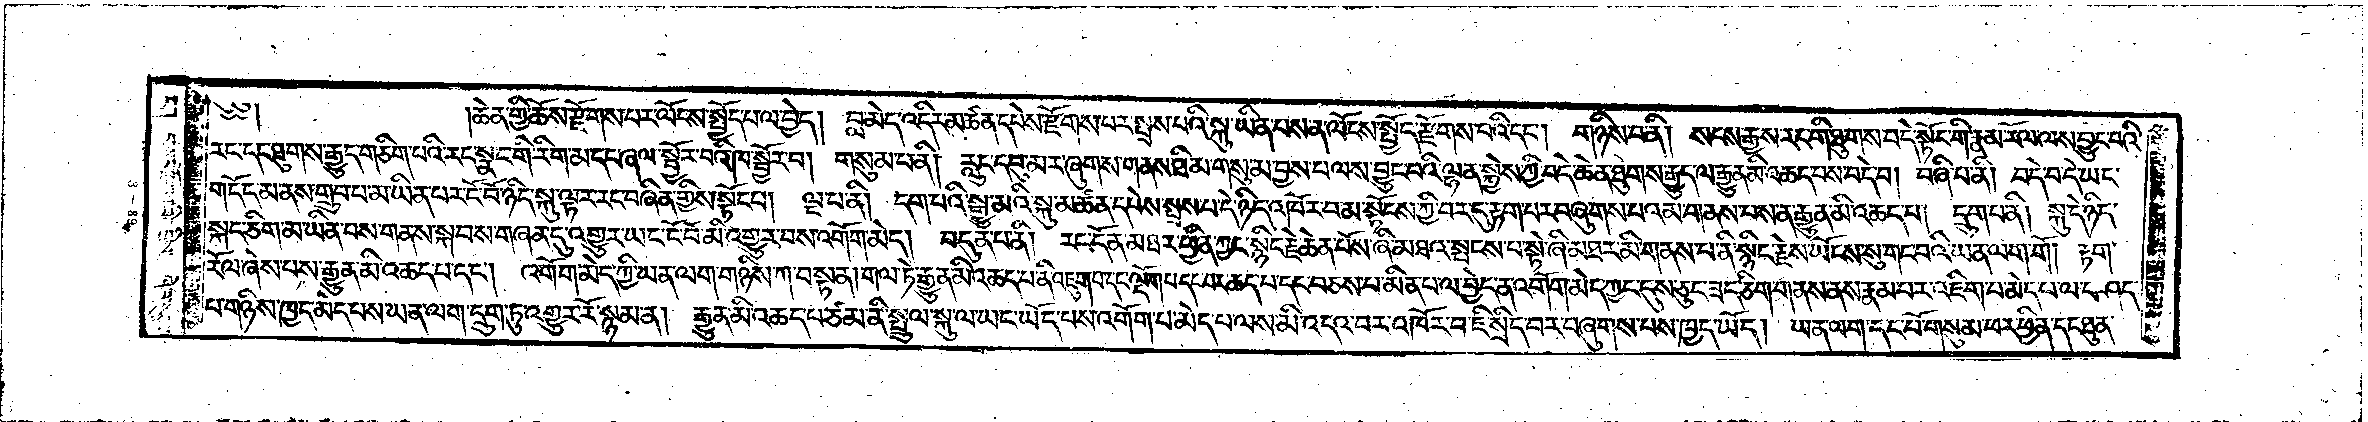༄༅། །ཆེན་གྱི་ཆོས་རྫོགས་པར་ལོངས་སྤྱོད་པ་ལ་བྱེད། བླ་མེད་འདིར་མཚན་དཔེས་རྫོགས་པར་སྤྲས་པའི་སྐུ་ཡིན་པས་ན་ལོངས་སྤྱོད་རྫོགས་པའི་དང་། གཉིས་བ་ནི། སངས་རྒྱས་རང་གི་ཐུགས་བདེ་སྟོང་གི་རྣམ་རོལ་ལས་བྱུང་བའི་
རང་དང་ཐུགས་རྒྱུད་གཅིག་པའི་རང་སྣང་གི་རིག་མ་དང་ཞལ་སྦྱོར་བའི་ཁ་སྦྱོར་བ། གསུམ་པ་ནི། རླུང་དབུ་མར་ཞུགས་གནས་ཐིམ་གསུམ་བྱས་པ་ལས་བྱུང་བའི་ལྷན་སྐྱེས་ཀྱི་བདེ་ཆེན་ཐུགས་རྒྱུད་ལ་རྒྱུན་མི་འཆད་བས་བདེ་བ། བཞི་པ་ནི། བདེ་བདེ་ཡང་
གདོད་མ་ནས་གྲུབ་པ་མ་ཡིན་པར་ངོ་བོ་ཉིད་སྐུ་ལྟར་རང་བཞིན་གྱིས་སྟོང་པ། ལྔ་པ་ནི། དག་པའི་སྒྱུ་མའི་སྐུ་མཚན་དཔེས་སྤྲས་པ་དེ་ཉིད་འཁོར་པ་མ་སྟོངས་ཀྱི་བར་དུ་རྟག་པར་བཞུགས་པའམ་གནས་པས་ན་རྒྱུན་མི་འཆད་པ། དྲུག་པ་ནི། སྐུ་དེ་ཉིད་
སྐད་ཅིག་མ་ཡིན་པས་གནས་སྐབས་གཞན་དུ་འགྱུར་ཡང་ངོ་བོ་མི་འགྱུར་བས་འགོག་མེད། བདུན་པ་ནི། རང་དོན་མཐར་ཕྱིན་ཀྱང་སྙིང་རྗེ་ཆེན་པོས་ཞི་མཐའ་སྤངས་པ་སྟེ་ཞི་མཐར་མི་གནས་པ་ནི་སྙིང་རྗེས་ཡོངས་སུ་གང་བའི་ཡན་ལག་གོ། རྟག་
རོལ་ཞེས་པས་རྒྱུན་མི་འཆད་པ་དང་། འགོག་མེད་ཀྱི་ཡན་ལག་གཉིས་ཀ་བསྟན། གལ་ཏེ་རྒྱུན་མི་འཆད་པ་ནི་འཇུག་པ་དང་ལྡོག་བ་དང་བར་ཆད་པ་དང་བཅས་པ་མིན་པ་ལ་བྱེད་ན་འགོག་མེད་ཀྱང་དུས་ཅུང་ཟད་ཅིག་གནས་ནས་རྣམ་པར་འཇིག་པ་མེད་པ་ལ་བཤད་
པ་གཉིས་ཁྱད་མེད་པས་ཡན་ལག་དྲུག་ཏུ་འགྱུར་རོ་སྙམ་ན། རྒྱུན་མི་འཆད་པ་ཙམ་ནི་སྤྲུལ་སྐུ་ལ་ཡང་ཡོད་པས་འགོག་པ་མེད་པ་ལས་མི་འདའ་བར་འཁོར་བ་ཇི་སྲིད་བར་བཞུགས་པས་ཁྱད་ཡོད། ཡན་ལག་དང་པོ་གསུམ་ཕར་ཕྱིན་དང་ཐུན་